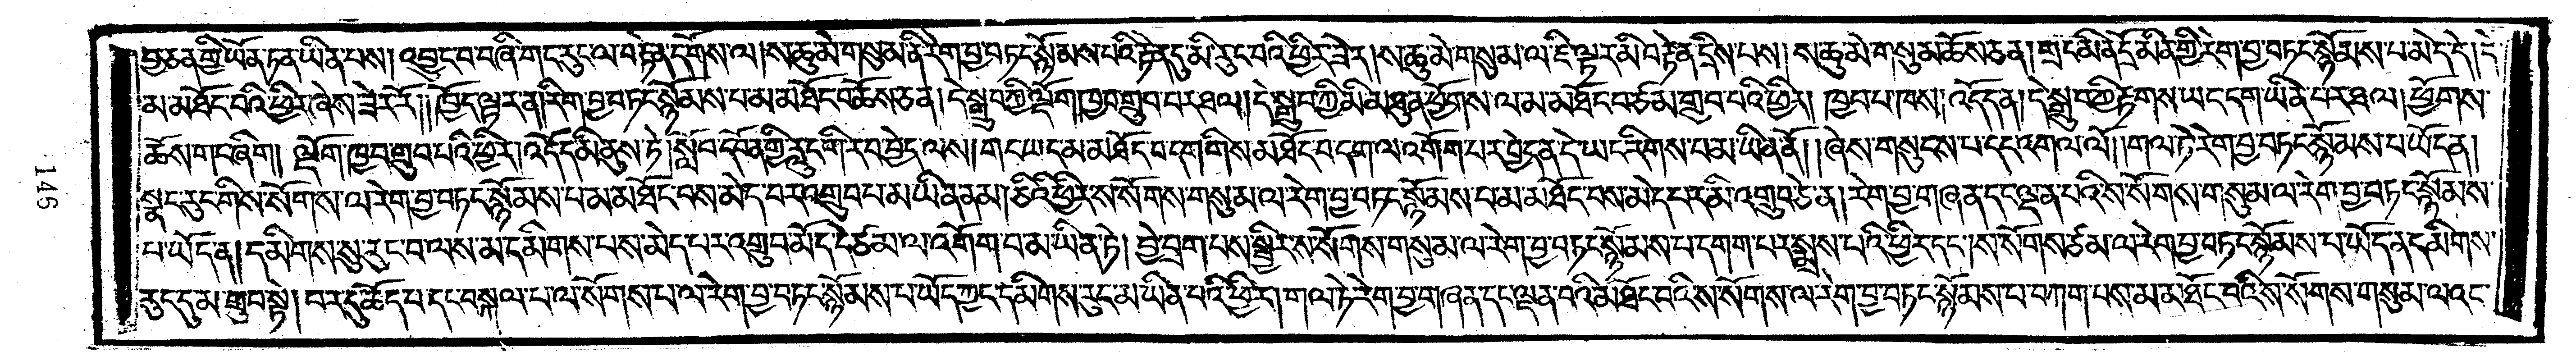བྱ་ཅན་གྱི་ཡོན་ཏན་ཡིན་པས། འབྱུང་བ་བཞི་གང་རུང་ལ་བརྟེན་དགོས་ལ། ས་ཆུ་མེ་གསུམ་ནི་རེག་བྱ་བཏང་སྙོམས་པའི་རྟེན་དུ་མི་རུང་བའི་ཕྱིར་ཟེར། ས་ཆུ་མེ་གསུམ་ལ་ཇི་ལྟར་མི་བརྟེན་དྲིས་པས། ས་ཆུ་མེ་གསུམ་ཆོས་ཅན། གྲང་མིན་དྲོ་མིན་གྱི་རེག་བྱ་བཏང་སྙོམས་པ་མེད་དེ། དེ་
མ་མཐོང་བའི་ཕྱིར་ཞེས་ཟེར་རོ། །ཁྱོད་ལྟར་ན། རེག་བྱ་བཏང་སྙོམས་པ་མ་མཐོང་བ་ཆོས་ཅན། དེ་སྒྲུབ་ཀྱི་ལྡོག་ཁྱབ་གྲུབ་པར་ཐལ། དེ་སྒྲུབ་ཀྱི་མི་མཐུན་ཕྱོགས་ལ་མ་མཐོང་བ་ཙམ་གྲུབ་པའི་ཕྱིར། ཁྱབ་པ་ཁས། འདོད་ན། དེ་སྒྲུབ་ཀྱི་རྟགས་ཡང་དག་ཡིན་པར་ཐལ། ཕྱོགས་
ཆོས་གང་ཞིག །ལྡོག་ཁྱབ་གྲུབ་པའི་ཕྱིར། འདོད་མི་ནུས་ཏེ། སློབ་དཔོན་གྱི་རླུང་གི་རབ་བྱེད་ལས། གང་ཡང་མ་མཐོང་བ་དག་གིས་མཐོང་བ་དག་ལ་འགོག་པར་བྱེད་ན་དེ་ཡང་རིགས་པ་མ་ཡིན་ནོ། །ཞེས་གསུངས་པ་དང་འགལ་ལོ། །གལ་ཏེ་རེག་བྱ་བཏང་སྙོམས་པ་ཡོད་ན།
སྣང་རུང་གི་ས་སོགས་ལ་རེག་བྱ་བཏང་སྙོམས་པ་མ་མཐོང་བས་མེད་པར་འགྲུབ་པ་མ་ཡིན་ནམ། ཅིའི་ཕྱིར་ས་སོགས་གསུམ་ལ་རེག་བྱ་བཏང་སྙོམས་པ་མ་མཐོང་བས་མེད་པར་མི་འགྲུབ་ཅེ་ན། རེག་བྱ་གཞན་དང་ལྡན་པའི་ས་སོགས་གསུམ་ལ་རེག་བྱ་བཏང་སྙོམས་
པ་ཡོད་ན། དམིགས་སུ་རུང་བ་ལས་མ་དམིགས་པས་མེད་པར་འགྲུབ་མོད་དེ་ཙམ་ལ་འགོག་པ་མ་ཡིན་ཏེ། བྱེ་བྲག་པས་སྤྱིར་ས་སོགས་གསུམ་ལ་རེག་བྱ་བཏང་སྙོམས་པ་དགག་པར་སྨྲས་པའི་ཕྱིར་དང་། ས་སོགས་ཙམ་ལ་རེག་བྱ་བཏང་སྙོམས་པ་ཡོད་ན་དམིགས་
རུང་དུ་མ་གྲུབ་སྟེ། བར་དུ་ཆོད་པ་དང་བསྐལ་པ་ལ་སོགས་པ་ལ་རེག་བྱ་བཏང་སྙོམས་པ་ཡོད་ཀྱང་དམིགས་རུང་མ་ཡིན་པའི་ཕྱིར། གལ་ཏེ་རེག་བྱ་གཞན་དང་ལྡན་པའི་མཐོང་བའི་ས་སོགས་ལ་རེག་བྱ་བཏང་སྙོམས་པ་བཀག་པས་མ་མཐོང་བའི་ས་སོགས་གསུམ་ལའང་